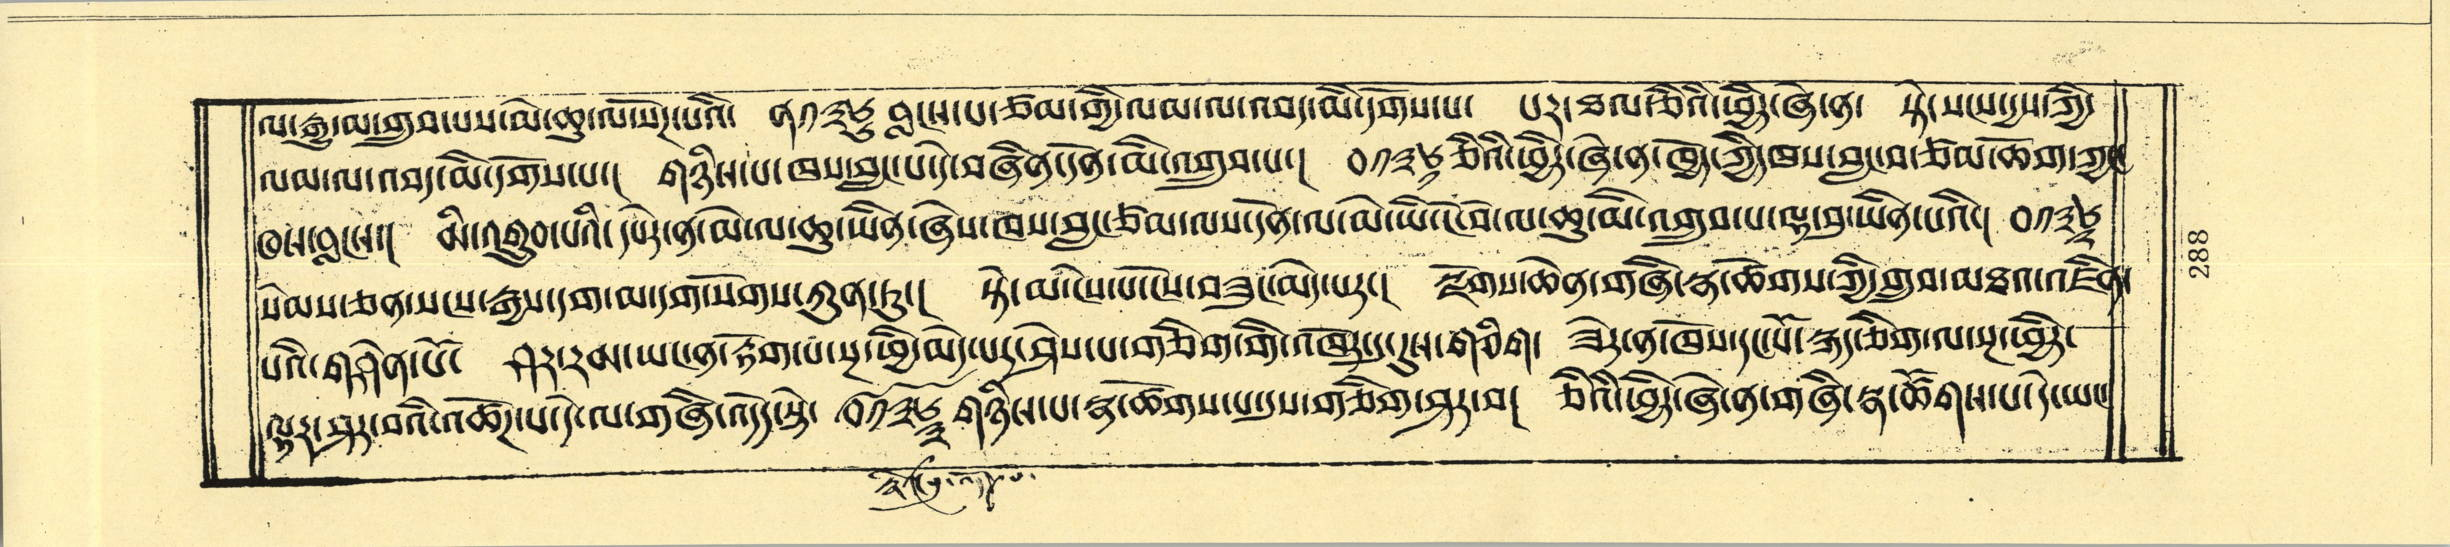ལ་རྒྱུ་མ་གྲུབ་པས་མེ་ཆུ་ལ་སོགས་པའི། ན༡༣༦།༦ བླངས་པ་ཙམ་གྱི་ལམ་ལ་འབད་མི་དགོས་པ། པར་ཐལ་ཅིའི་ཕྱིར་ཞེ་ན། སྟེ་སངས་རྒྱས་ཀྱི་
ལམ་ལ་འབད་མི་དགོས་པ། གཉིས་པ་ཁས་བླང་པ་དེ་བཞིན་དོན་མི་འགྲུབ་པ། བ༡༣༦།༡ ཅིའི་ཕྱིར་ཞེ་ན་ཁྱོད་ཀྱི་ཁས་བླང་བ་ཙམ་ཆོག་ཀྱང་
ཁས་བླངས་ མི་འགྲུབ་པའི་དཔེར་ན་མེ་ལ་ཆུ་ཡིན་ཞེས་ཁས་བླང་ཙམ་ལས་དོན་ལ་མེ་ཡི་ངོ་བོ་ལ་ཆུ་མི་འགྲུབ་པ་ལྟ་བུ་ཡིན་པའི། བ༡༣༦།༢ 
སེམས་ཅན་སངས་རྒྱས་དག་མ་དག་སོགས་ཀུན་ཏུ་ སྟེ་མ་ངེས་པ་ངོས་བཟུང་མེད་པར། སྫོགས་ཆེན་གཞི་སྣ་ཚོགས་ཀྱི་གྲུབ་མཐའ་འཛིན་
པའི་ གཤེན་པོ་ཤར་རམ་ཡང་ན་རྟོག་པ་སྔ་ཕྱི་མེད་པར་ཤེས་པ་གཅིག་གི་འཁོར་དུ་དུས་གཅིག་ ཟེར་ན་ཁོས་དང་པོ་སྐད་ཅིག་ལ་སྔ་ཕྱིར་
ལྟར་ཤར་བའི་འཚོགས་པ་དེ་ལ་གཞི་འདོད་སྟེ། རྣམ་ཤེས་དུ་འདོད་པ་ བ༡༣༦།༣ གཉིས་པ་སྣ་ཚོགས་པ་དུས་གཅིག་ཤར་བ། ཅིའི་ཕྱིར་ཞེ་ན་གཞི་སྣ་ཚོགས་པ་དེ་ཡང་